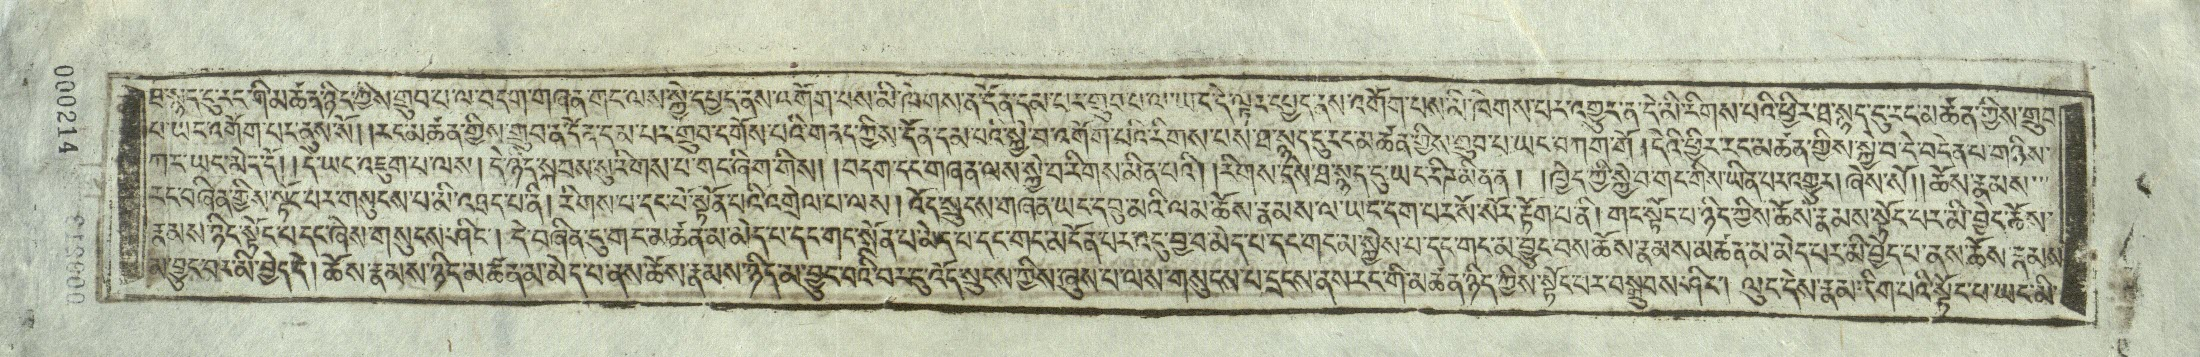ཐ་སྙད་དུ་རང་གི་མཚན་ཉིད་ཀྱིས་གྲུབ་པ་ལ་བདག་གཞན་གང་ལས་སྐྱེ་དཔྱད་ནས་འགོག་པས་མི་ཁེགས་ན་དོན་དམ་པར་གྲུབ་པ་ལ་ཡང་དེ་ལྟར་དཔྱད་ནས་འགོག་པས་མི་ཁེགས་པར་འགྱུར་ན་དེ་མི་རིགས་པའི་ཕྱིར་ཐ་སྙད་དུ་རང་མཚན་ཀྱིས་གྲུབ་
པ་ཡང་འགོག་པར་ནུས་སོ། །རང་མཚན་གྱིས་གྲུབ་ན་དོན་དམ་པར་གྲུབ་དགོས་པའི་གནད་ཀྱིས་དོན་དམ་པའི་སྐྱེ་བ་འགོག་པའི་རིགས་པས་ཐ་སྙད་དུ་རང་མཚན་གྱིས་གྲུབ་པ་ཡང་བཀག་གོ། དེའི་ཕྱིར་རང་མཚན་གྱིས་སྐྱེ་བ་དེ་བདེན་པ་གཉིས་
ཀར་ཡང་མེད་དོ། །དེ་ཡང་འཇུག་པ་ལས། དེ་ཉིད་སྐབས་སུ་རིགས་པ་གང་ཞིག་གིས། །བདག་དང་གཞན་ལས་སྐྱེ་བ་རིགས་མིན་པའི། །རིགས་དེས་ཐ་སྙད་དུ་ཡང་རིགས་མིན་ན། །ཁྱེད་ཀྱི་སྐྱེ་བ་གང་གིས་ཡིན་པར་འགྱུར། ཞེས་སོ། །ཆོས་རྣམས་
རང་བཞིན་གྱིས་སྒྲུབ་པར་གསུངས་པ་མི་འཐད་པ་ནི། རིགས་པ་དང་པོ་སྟོན་པའི་འགྲེལ་པ་ལས། འོད་སྲུངས་གཞན་ཡང་དབུ་མའི་ལམ་ཆོས་རྣམས་ལ་ཡང་དག་པར་སོ་སོར་རྟོག་པ་ནི། གང་སྟོང་པ་ཉིད་ཀྱིས་ཆོས་རྣམས་སྟོང་པར་མི་བྱེད་ཆོས་
རྣམས་ཉིད་སྟོང་པ་དང་ཞེས་གསུངས་ཤིང་། དེ་བཞིན་དུ་གང་མཚན་མ་མེད་པ་དང་གང་སྨོན་པ་མེད་པ་དང་གང་མངོན་པར་འདུ་བྱ་བ་མེད་པ་དང་གང་མ་སྐྱེས་པ་དང་གང་མ་བྱུང་བས་ཆོས་རྣམས་མཚན་མ་མེད་པར་མི་བྱེད་པ་ནས་ཆོས་རྣམས་
མ་བྱུང་བར་མི་བྱེད་དེ། ཆོས་རྣམས་ཉིད་མཚན་མ་མེད་པ་ནས་ཆོས་རྣམས་ཉིད་མ་བྱུང་བའི་བར་དུ་འོད་སྲུངས་ཀྱིས་ཞུས་པ་ལས་གསུངས་པ་དྲངས་ནས་རང་གི་མཚན་ཉིད་ཀྱིས་སྟོང་པར་བསྒྲུབས་ཤིང་། ལུང་དེས་རྣམ་རིག་པའི་སྟོང་པ་ཡང་མི་